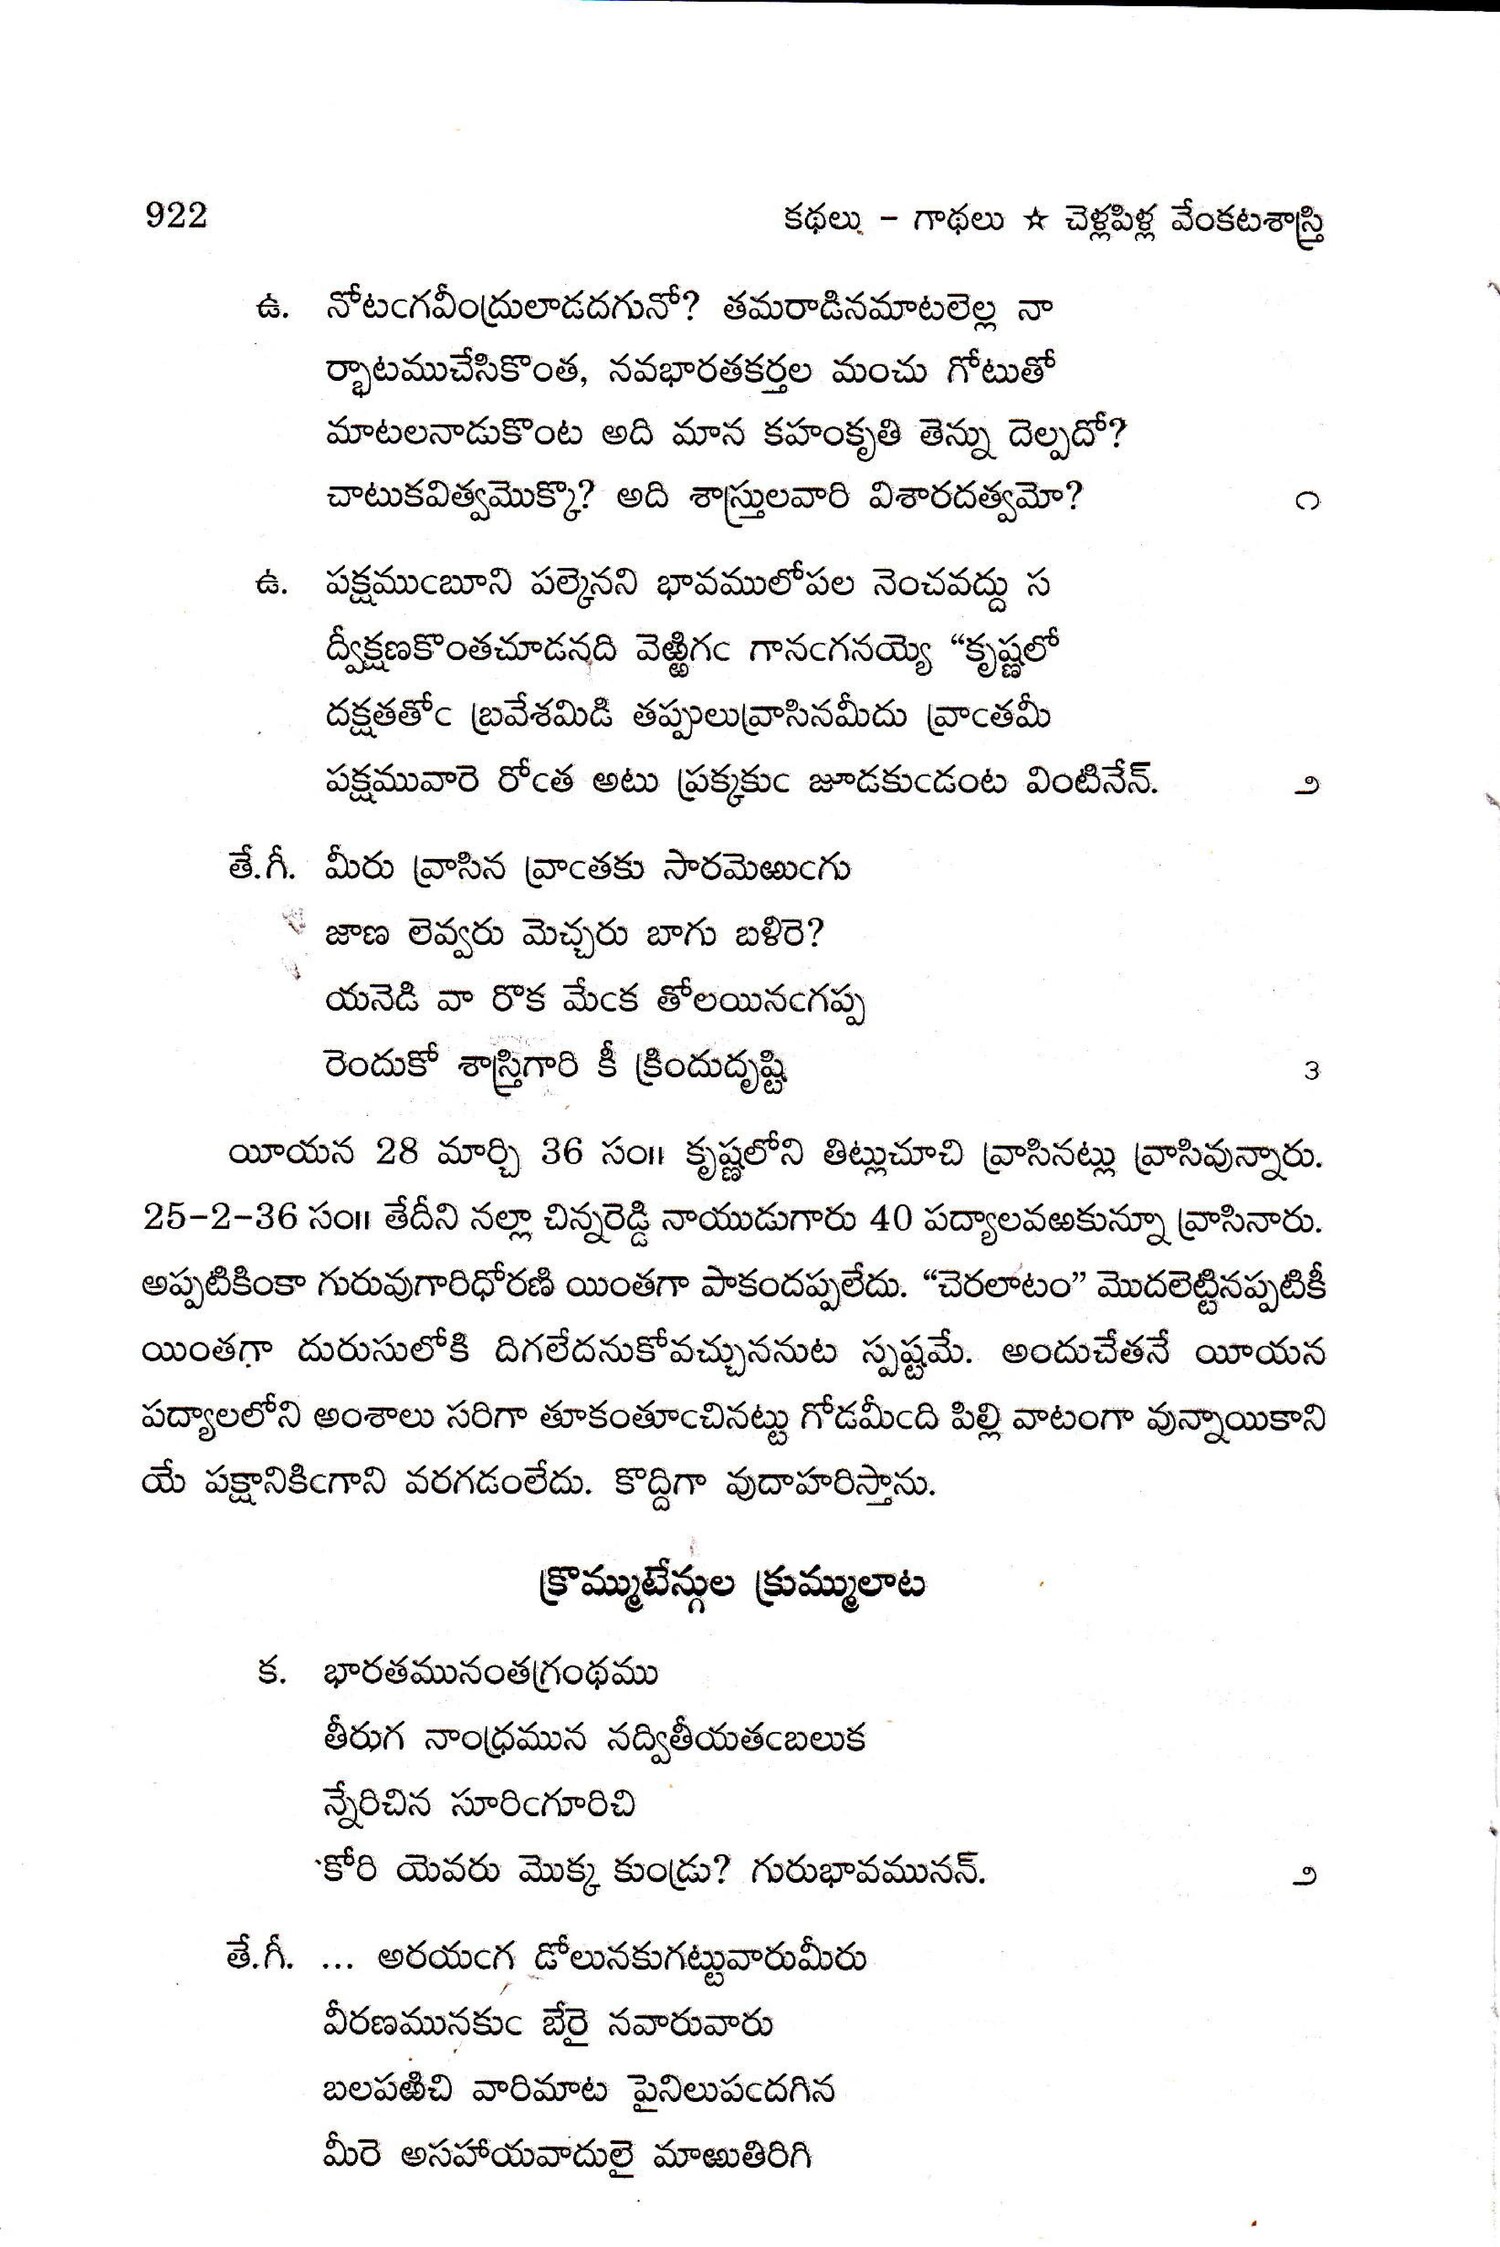ఉ. నోటఁగవీంద్రులాడదగునో? తమరాడినమాటలెల్ల నా
 ర్భాటముచేసికొంత, నవభారతకర్తల మంచు గోటుతో 
 మాటలనాడుకొంట అది మాన కహంకృతి తెన్ను దెల్పదో? 
 చాటుకవిత్వమొక్కొ? అది శస్త్రులవారి విశారదత్వమో? - 1

ఉ. పక్షముఁబూని పల్కెనని భావములోపల నెంచవద్దు స 
 ద్వీక్షణకొంతచూడనది వెట్టిగఁ గానఁగనయ్యె "కృష్ణలో 
 దక్షతతోఁ బ్రవేశమిడి తప్పులువ్రాసినమీదు వ్రాఁతమీ 
 పక్షమువారె రోఁత అటు ప్రక్కకుఁ జూడకుఁడంట వింటినేన్. - 2

తే.గీ. మీరు వ్రాసిన వ్రాఁతకు సారమెఱుఁగు
 జాణ లెవ్వరు మెచ్చరు బాగు బళిరె? 
 యనెడి వా రొక మేఁక తోలయినఁగప్ప
 రెందుకో శాస్త్రిగారి కీ క్రిందుదృష్టి - 3
యీయన 28 మార్చి 36 సం!! కృష్ణలోని తిట్లుచూచి వ్రాసినట్లు వ్రాసివున్నారు. 25-2-36 సం|| తేదీని నల్లా చిన్నరెడ్డి నాయుడుగారు 40 పద్యాలవఱకున్నూ వ్రాసినారు. అప్పటికింకా గురువుగారిధోరణి యింతగా పాకందప్పలేదు. "చెరలాటం" మొదలెట్టినప్పటికీ యింతగా దురుసులోకి దిగలేదనుకోవచ్చుననుట స్పష్టమే. అందుచేతనే యీయన పద్యాలలోని అంశాలు సరిగా తూకంతూఁచినట్టు గోడమీఁది పిల్లి వాటంగా వున్నాయికాని యే పక్షానికిఁగాని వరగడంలేదు. కొద్దిగా వుదాహరిస్తాను.

క. భారతమునంత గ్రంథము
 తీరుగ నాంధ్రమున నద్వితీయతఁబలుక 
 న్నేరిచిన సూరిఁగూరిచి 
 కోరి యెవరు మొక్క కుండ్రు? గురుభావమునన్. - 2

తే.గీ. . అరయఁగ డోలునకుగట్టువారుమీరు 
 వీరణమునకుఁ బేరై నవారువారు 
 బలపఱిచి వారిమాట పైనిలుపఁదగిన 
 మీరె అసహాయవాదులై మాఱుతిరిగి